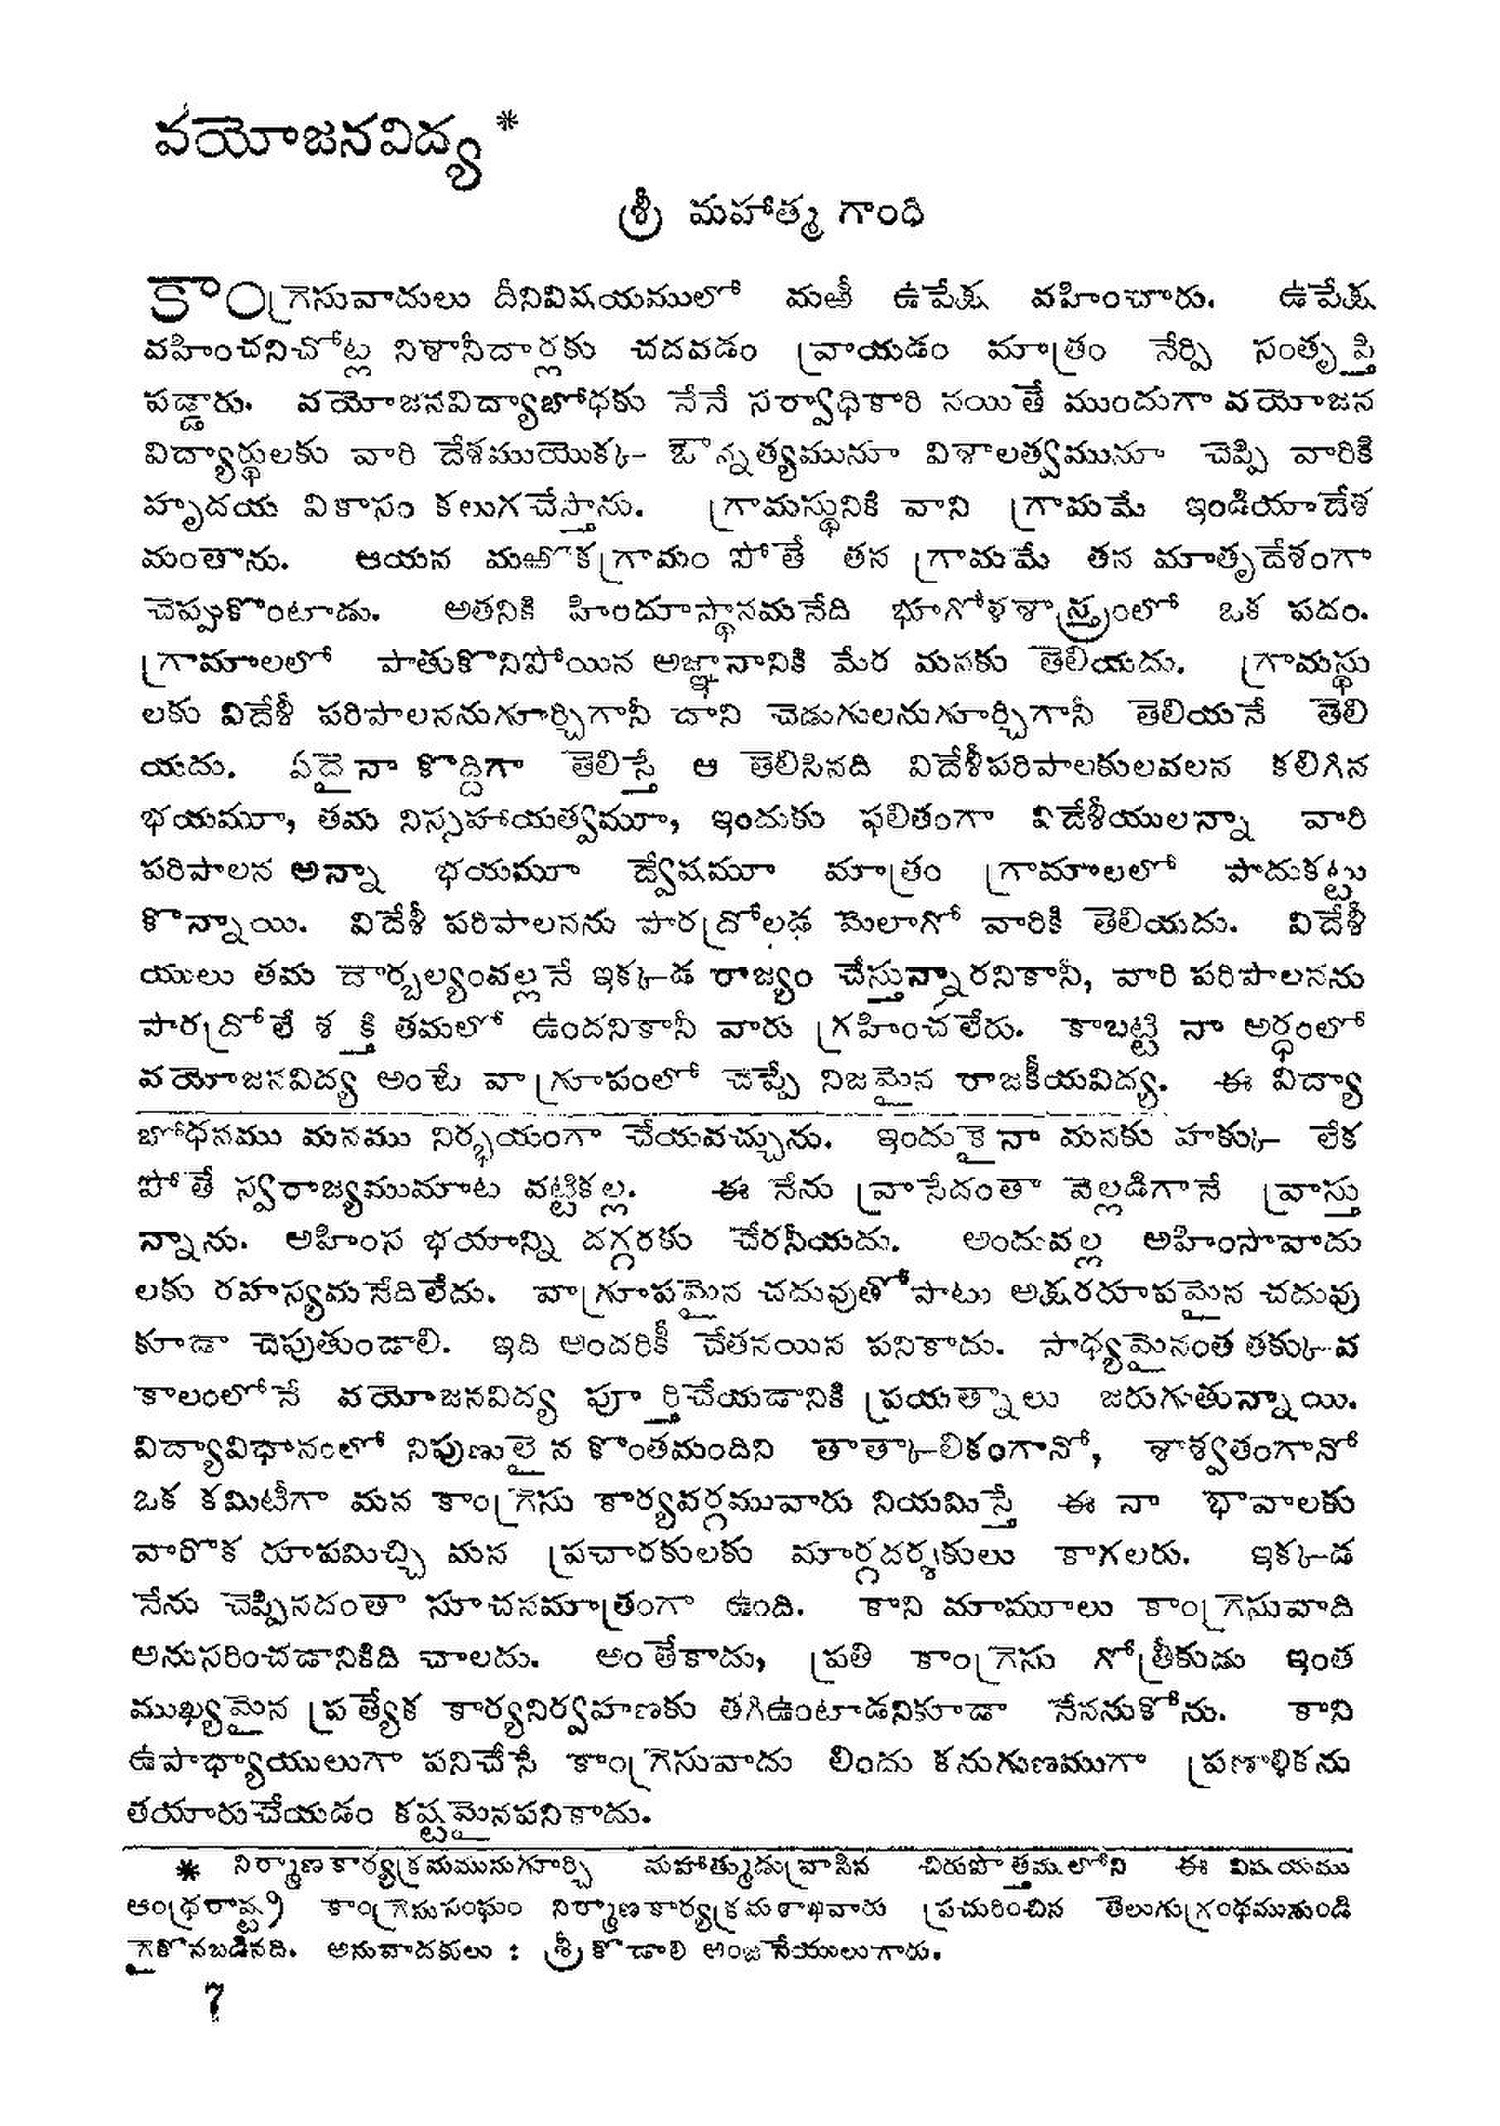వయోజనవిద్య

కొంగ్రెసువాదులు దీనివిషయములో మళ్లీ ఉపేక్ష వహించారు. వహించనిచోట్ల నిశానీదార్లకు చదవడం వ్రాయడం మాత్రం నేర్పి 
సంతృప్తి పడ్డారు. వయోజనవిద్యాబోధకు నేనే సర్వాధికారి నయితే ముందుగా వయోజన విద్యార్థులకు వారి దేశముయొక్క- 
ఔన్నత్యమునూ విశాలత్వమునూ చెప్పి వారికి హృదయ వికాసం కలుగచేస్తాను. గ్రామస్థునికి వాని గ్రామమే ఇండియా దేశమంతాను. 
ఆయన మఱోకగ్రామం పోతే తన గ్రామమే తన మాతృదేశంగా చెప్పుకొంటాడు. అతనికి హిందూస్థానమనేది భూగోళశాస్త్రంలో ఒక 
పదం. గ్రామాలలో పాతుకొనిపోయిన అజ్ఞానానికి మేర మనకు తెలియదు. గ్రామస్థులకు విదేశీ పరిపాలనను గూర్చిగానీ దాని 
చెడుగులను గూర్చిగానీ తెలియనే తెలియదు. ఏదైనా కొద్దిగా తెలిస్తే ఆ తెలిసినది విదేశీ పరిపాలకులవలన కలిగిన భయమూ, 
తమ నిస్సహాయత్వమూ, ఇందుకు ఫలితంగా విదేశీయులన్నా వారిపరిపాలన అన్నా భయమూ ద్వేషమూ మాత్రం గ్రామాలలో 
పాదుకట్టు కొన్నాయి. విదేశీ పరిపాలనను పారద్రోలడ మెలాగో వారికి తెలియదు. విదేశీయులు తమ దౌర్బల్యంవల్లనే ఇక్కడ 
రాజ్యం చేస్తున్నారని కానీ, వారి పరిపాలనను పారద్రోలే శక్తి తమలో ఉందనికానీ వారు గ్రహించలేరు. కాబట్టి నా అర్ధంలో
వయోజనవిద్య అంటే వాగ్రూపంలో చెప్పే నిజమైన రాజకీయవిద్య. ఈ విద్యాబోధనము మనము నిర్భయంగా చేయవచ్చును. 
ఇందుకైనా మనకు హక్కు లేకపోతే స్వరాజ్యముమాట పట్టికల్ల ఈ నేను వ్రాసేదంతా వెల్లడిగానే వ్రాస్తున్నాను. అహింస భయాన్ని 
దగ్గరకు చేరనీయదు. అందువల్ల అహింసావాదులకు రహస్యమనేది లేదు. వాగ్రూపమైన చదువుతోపాటు అక్షరరూపమైన చదువు
కూడా చెపుతుండాలి. ఇది అందరికీ చేతనయిన పనికాదు. సాధ్యమైనంత తక్కువ కాలంలోనే వయోజనవిద్య పూర్తిచేయడానికి 
ప్రయత్నాలు జరుగుతున్నాయి. విద్యావిధానంలో నిపుణులైన కొంతమందిని తాత్కాలికంగానో, శాశ్వతంగానో ఒక కమిటీగా మన 
కాంగ్రెసు కార్యవర్గమువారు నియమిస్తే ఈ నా భావాలకు వారొక రూపమిచ్చి మన ప్రచారకులకు మార్గదర్శకులు కాగలరు. ఇక్కడ
నేను చెప్పినదంతా సూచనమాత్రంగా ఉంది. కాని మామూలు కాంగ్రెసువాది అనుసరించడానికిది చాలదు. అంతేకాదు, ప్రతి 
కాంగ్రెసు గోత్రీకుడు ఇంత ముఖ్యమైన ప్రత్యేక కార్యనిర్వహణకు తగిఉంటాడనికూడా నేననుకోను. కానీ ఉపాధ్యాయులుగా పనిచేసే కాంగ్రెసువాదులిందు కనుగుణముగా ప్రణాళికను తయారుచేయడం కష్టమైన పనికాదు.